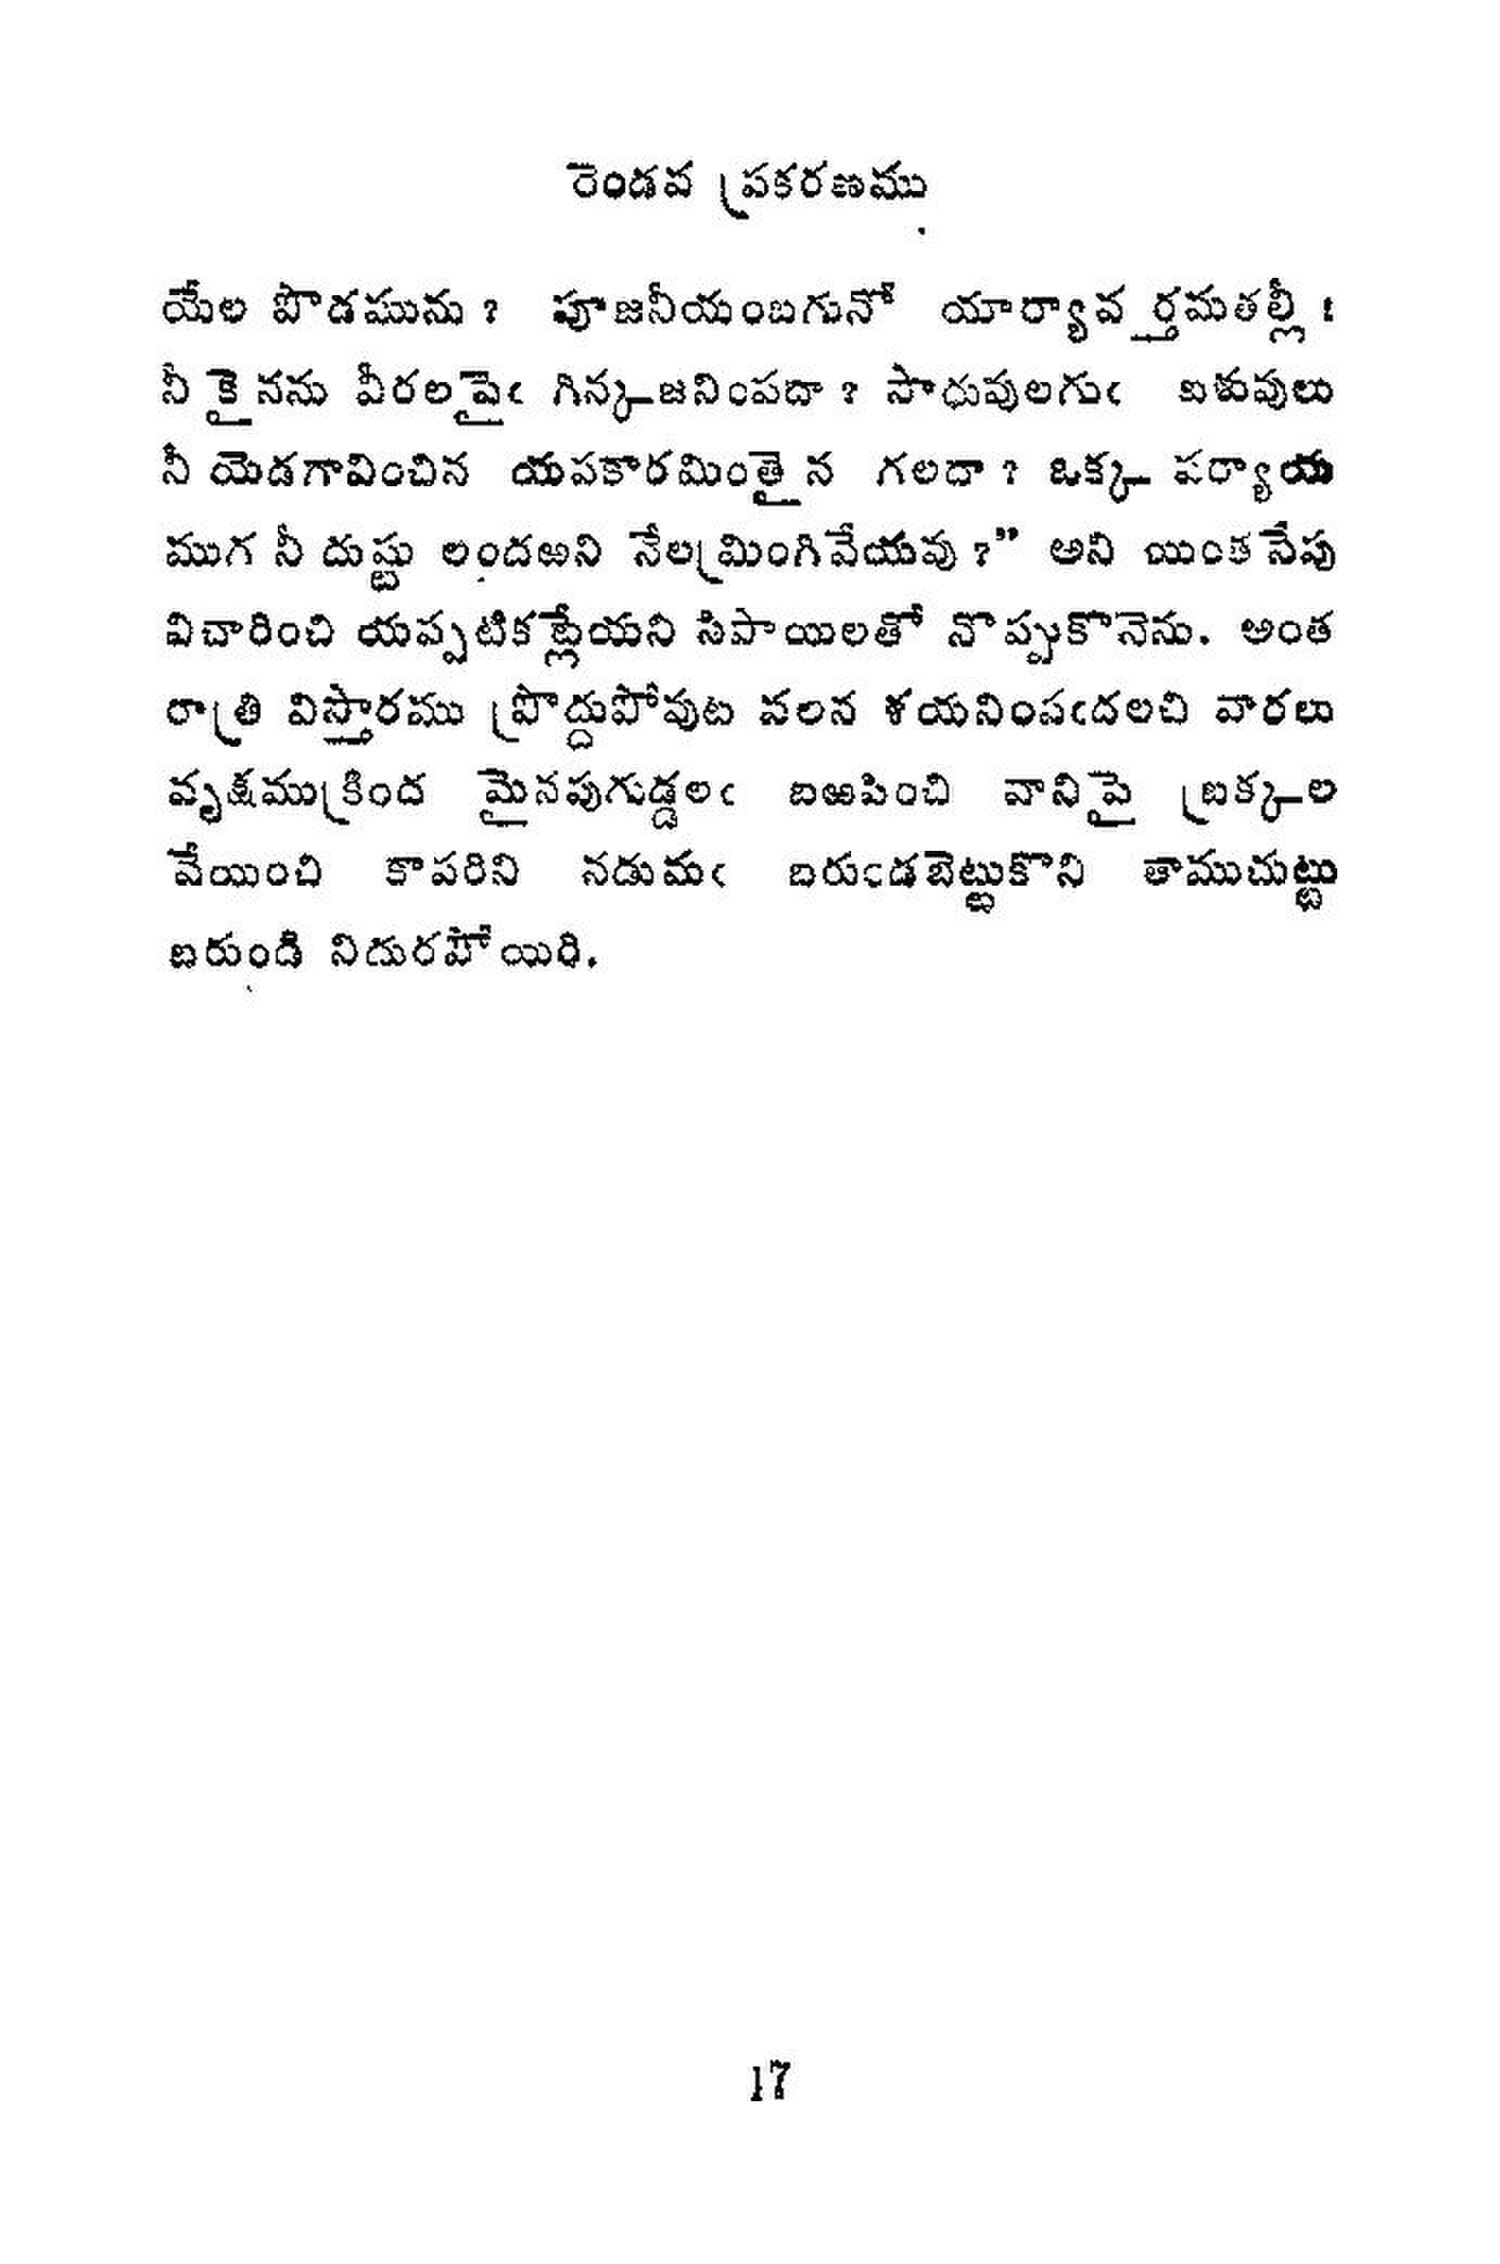యేల పొడమును? పూజనీయంబగునో యార్యావర్తమతల్లీ ! నీ కైనను వీరలపైఁ గిన్కజనింపదా ? సాధువులగుఁ బశువులు నీ యెడగావించిన యపకారమింతైన గలదా ? ఒక్క పర్యాయముగ నీ దుష్టు లందఱని నేలమ్రింగివేయవు?" అని యింతసేపు విచారించి యప్పటికట్లేయని సిపాయిలతో నొప్పుకొనెను. అంత రాత్రి విస్తారము ప్రొద్దుపోవుట వలన శయనింపఁదలచి వారలు వృక్షముక్రింద మైనపుగడ్డలఁ బఱపించి వానిపై బ్రక్కల వేయించి కాపరిని నడుమఁ బరుఁడబెట్టుకొని తాముచుట్టు బరుండి నిదురపోయిరి.